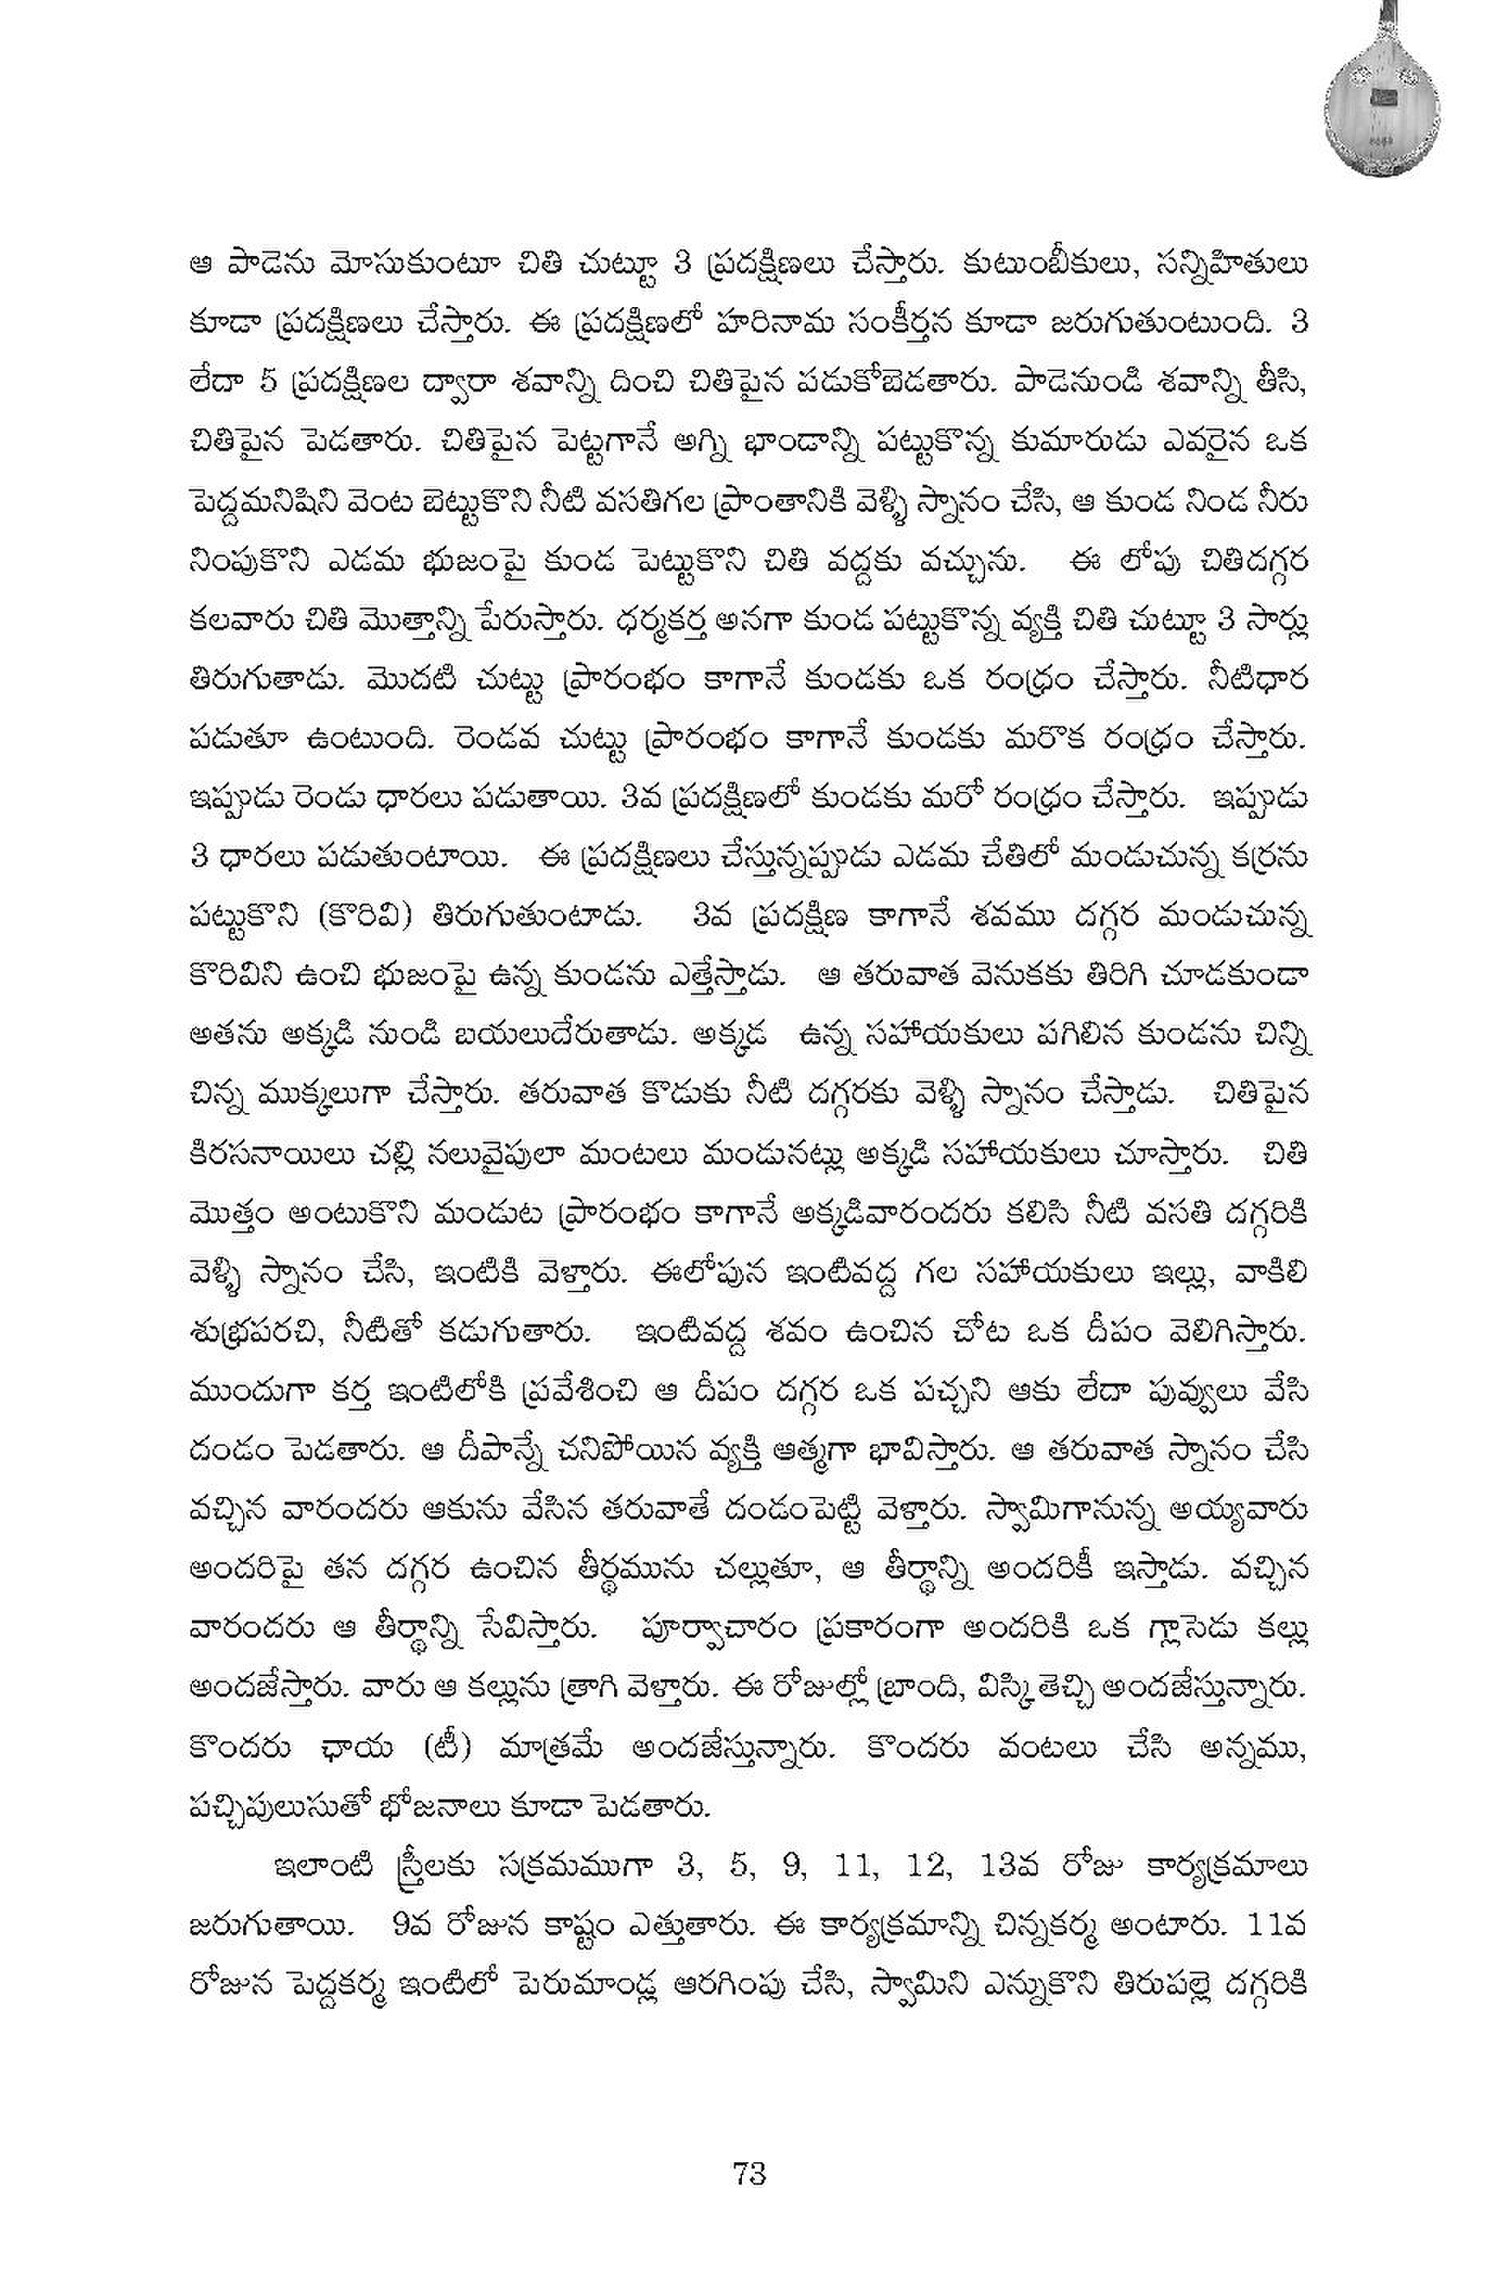ఆ పాడెను మోసుకుంటూ చితి చుట్టూ 3 ప్రదక్షిణలు చేస్తారు. కుటుంబీకులు, సన్నిహితులు కూడా ప్రదక్షిణలు చేస్తారు. ఈ ప్రదక్షిణలో హరినామ సంకీర్తన కూడా జరుగుతుంటుంది. 3 లేదా 5 ప్రదక్షిణల ద్వారా శవాన్ని దించి చితిపైన పడుకోబెడతారు. పాడెనుండి శవాన్ని తీసి, చితిపైన పెడతారు. చితిపైన పెట్టగానే అగ్ని భాండాన్ని పట్టుకొన్న కుమారుడు ఎవరైన ఒక పెద్దమనిషిని వెంట బెట్టుకొని నీటి వసతిగల ప్రాంతానికి వెళ్ళి స్నానం చేసి, ఆ కుండ నిండ నీరు నింపుకొని ఎడమ భుజంపై కుండ పెట్టుకొని చితి వద్దకు వచ్చును. ఈ లోపు చితిదగ్గర కలవారు చితి మొత్తాన్ని పేరుస్తారు. ధర్మకర్త అనగా కుండ పట్టుకొన్న వ్యక్తి చితి చుట్టూ 3 సార్లు తిరుగుతాడు. మొదటి చుట్టు ప్రారంభం కాగానే కుండకు ఒక రంధ్రం చేస్తారు. నీటిధార పడుతూ ఉంటుంది. రెండవ చుట్టు ప్రారంభం కాగానే కుండకు మరొక రంధ్రం చేస్తారు.ఇప్పుడు రెండు ధారలు పడుతాయి. 3వ ప్రదక్షిణలో కుండకు మరో రంధ్రం చేస్తారు. ఇప్పుడు 3 ధారలు పడుతుంటాయి. ఈ ప్రదక్షిణలు చేస్తున్నప్పుడు ఎడమ చేతిలో మండుచున్న కర్రను పట్టుకొని (కొరివి) తిరుగుతుంటాడు. 3వ ప్రదక్షిణ కాగానే శవము దగ్గర మండుచున్న కొరివిని ఉంచి భుజంపై ఉన్న కుండను ఎత్తేస్తాడు. ఆ తరువాత వెనుకకు తిరిగి చూడకుండా అతను అక్కడి నుండి బయలుదేరుతాడు. అక్కడ ఉన్న సహాయకులు పగిలిన కుండను చిన్ని చిన్న ముక్కలుగా చేస్తారు. తరువాత కొడుకు నీటి దగ్గరకు వెళ్ళి స్నానం చేస్తాడు. చితిపైన కిరసనాయిలు చల్లి నలువైపులా మంటలు మండునట్లు అక్కడి సహాయకులు చూస్తారు. చితి మొత్తం అంటుకొని మండుట ప్రారంభం కాగానే అక్కడివారందరు కలిసి నీటి వసతి దగ్గరికి
వెళ్ళి స్నానం చేసి, ఇంటికి వెళ్తారు. ఈలోపున ఇంటివద్ద గల సహాయకులు ఇల్లు,వాకిలి శుభ్రపరచి, నీటితో కడుగుతారు. ఇంటివద్ద శవం ఉంచిన చోట ఒక దీపం వెలిగిస్తారు. ముందుగా కర్త ఇంటిలోకి ప్రవేశించి ఆ దీపం దగ్గర ఒక పచ్చని ఆకు లేదా పువ్వులు వేసి దండం పెడతారు. ఆ దీపాన్నే చనిపోయిన వ్యక్తి ఆత్మగా భావిస్తారు. ఆ తరువాత స్నానం చేసి
వచ్చిన వారందరు ఆకును వేసిన తరువాతే దండం పెట్టి వెళ్తారు. స్వామిగానున్న అయ్యవారు అందరిపై తన దగ్గర ఉంచిన తీర్థమును చల్లుతూ, ఆ తీర్థాన్ని అందరికీ ఇస్తాడు. వచ్చిన వారందరు ఆ తీర్థాన్ని సేవిస్తారు. పూర్వాచారం ప్రకారంగా అందరికి ఒక గ్లాసెడు కల్లు అందజేస్తారు. వారు ఆ కల్లును త్రాగి వెళ్తారు. ఈ రోజుల్లో బ్రాందీ, విస్కి తెచ్చి అందజేస్తున్నారు. కొందరు ఛాయ (టీ) మాత్రమే అందజేస్తున్నారు. కొందరు వంటలు చేసి అన్నము, పచ్చిపులుసుతో భోజనాలు కూడా పెడతారు.

ఇలాంటి స్త్రీలకు సక్రమముగా 3, 5, 9, 11, 12, 13వ రోజు కార్యక్రమాలు జరుగుతాయి. 9వ రోజున కాష్టం ఎత్తుతారు. ఈ కార్యక్రమాన్ని చిన్నకర్మ అంటారు. 11వ రోజున పెద్దకర్మ ఇంటిలో పెరుమాండ్ల ఆరగింపు చేసి, స్వామిని ఎన్నుకొని తిరుపల్లె దగ్గరికి